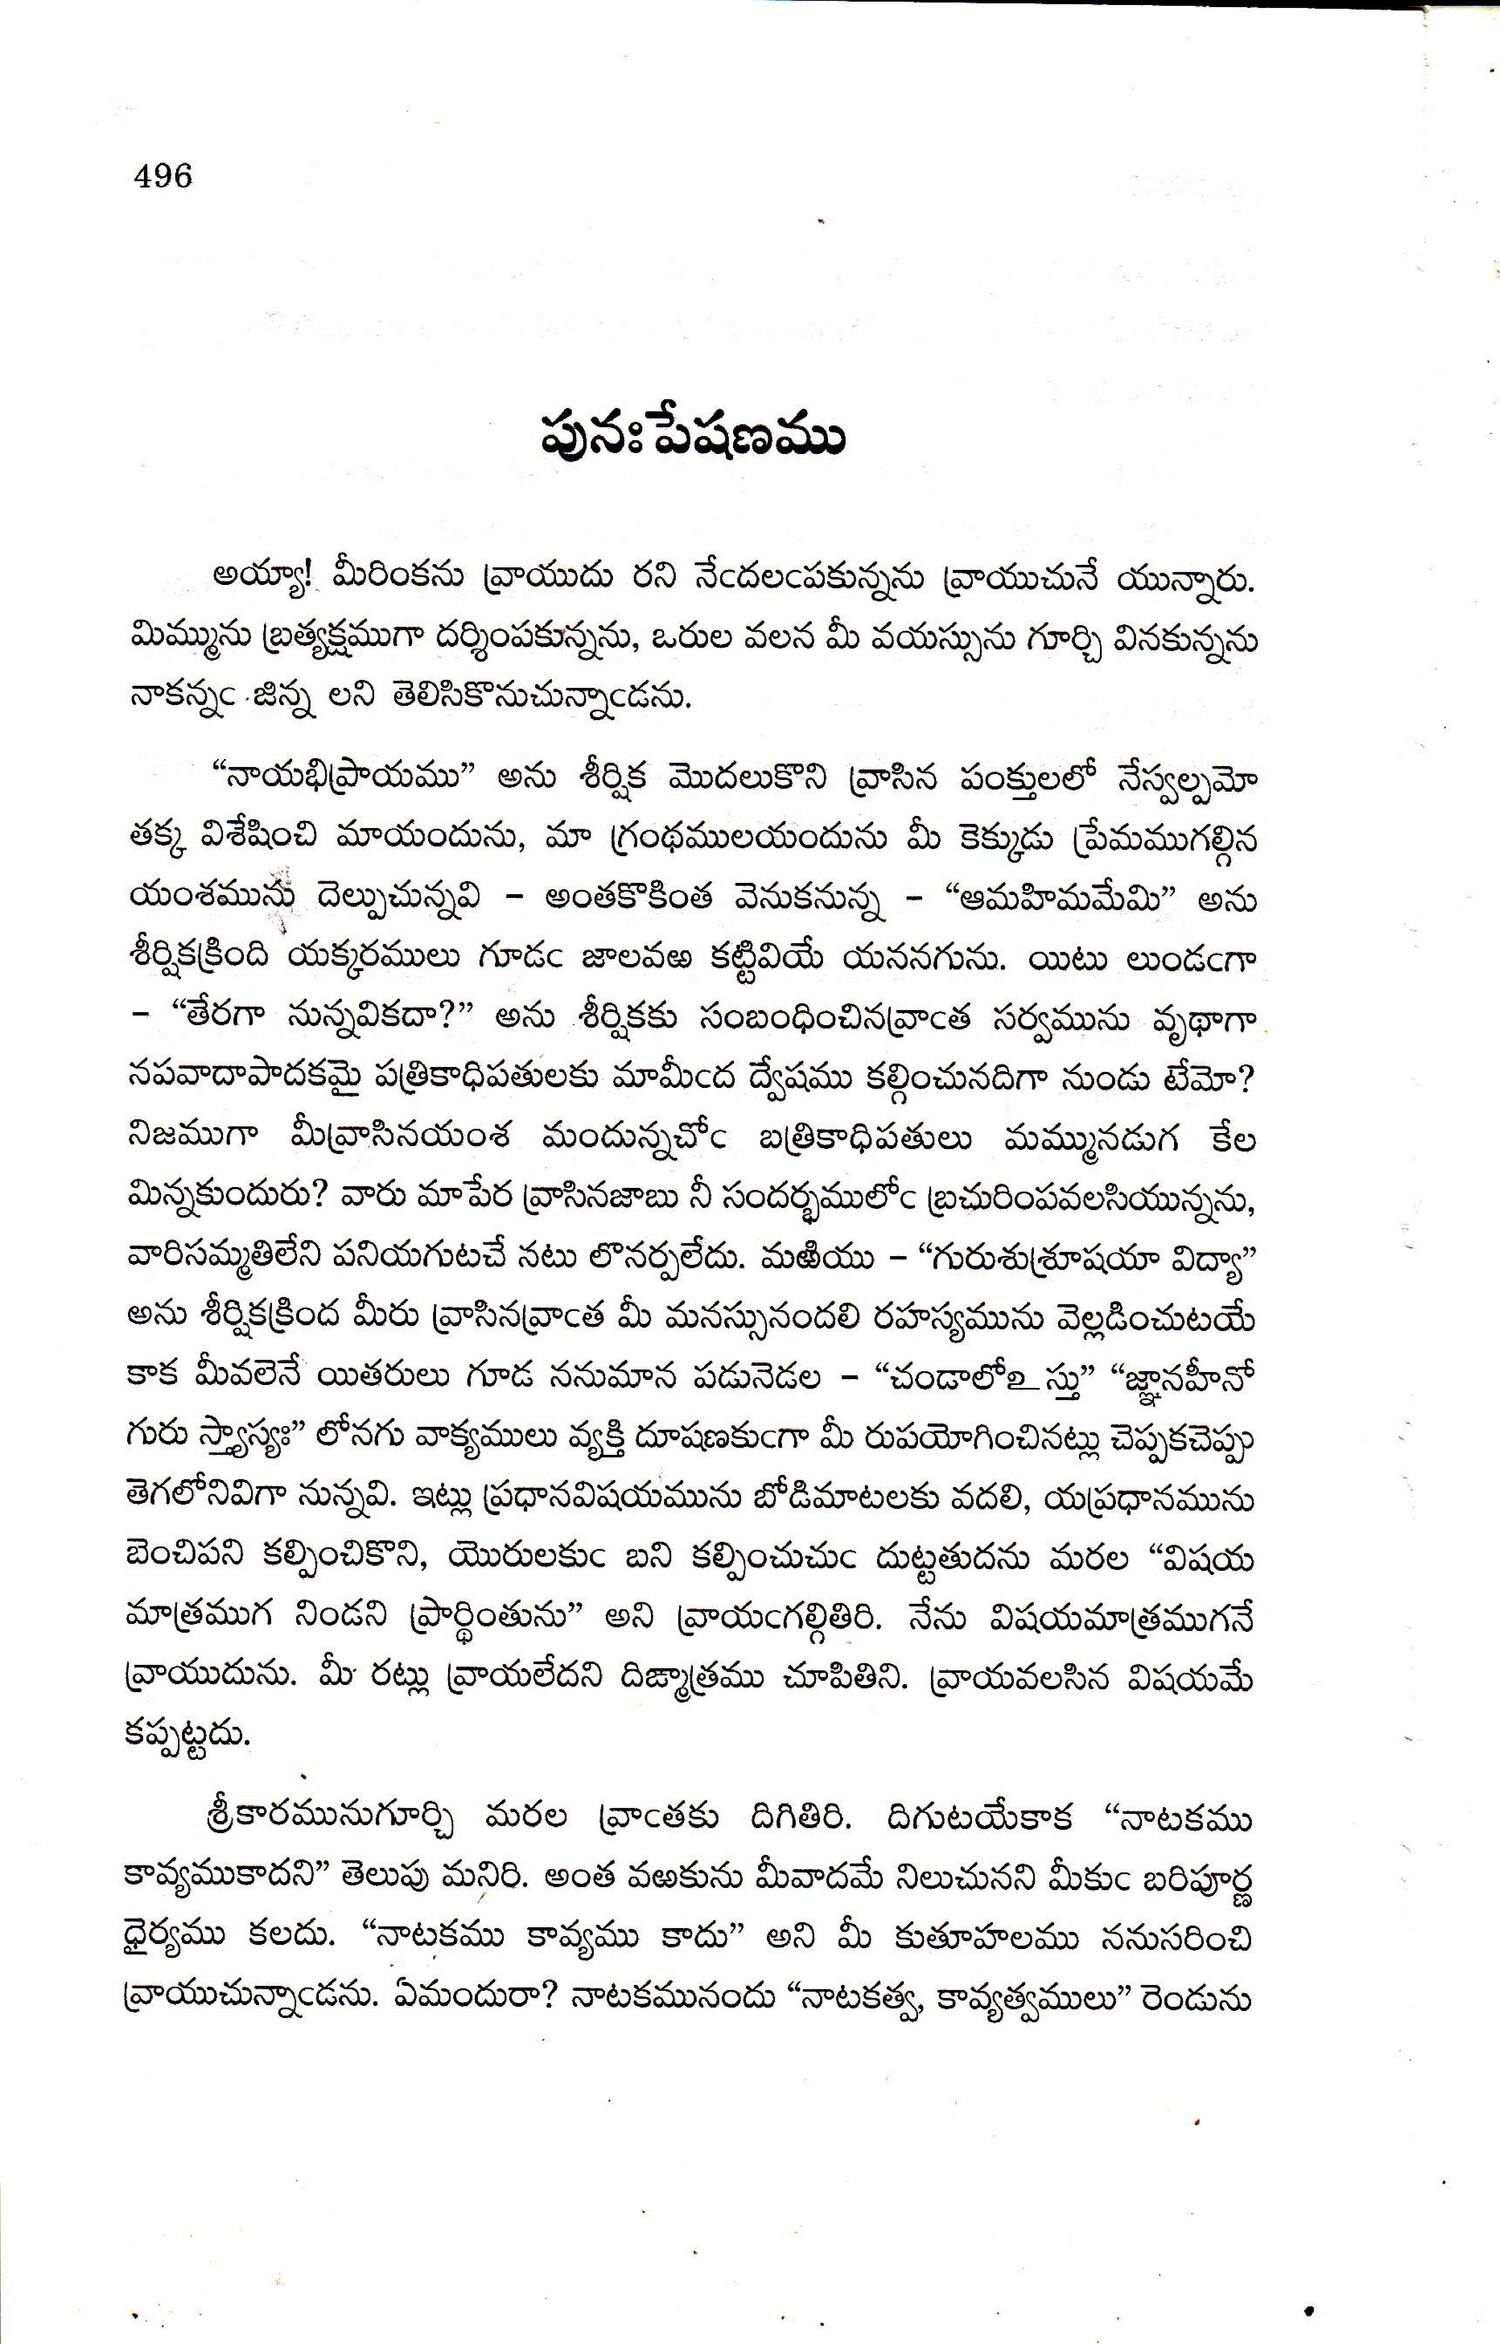పునఃపేషణము

అయ్యా! మీరింకను వ్రాయుదు రని నేఁదలఁపకున్నను వ్రాయుచునే యున్నారు. మిమ్మును బ్రత్యక్షముగా దర్శింపకున్నను, ఒరుల వలన మీ వయస్సును గూర్చి వినకున్నను నాకన్నఁ జిన్న లని తెలిసికొనుచున్నాండను.

“నాయభిప్రాయము" అను శీర్షిక మొదలుకొని వ్రాసిన పంక్తులలో నేస్వల్పమో తక్క విశేషించి మాయందును, మా గ్రంథములయందును మీ కెక్కుడు ప్రేమముగల్గిన యంశమును దెల్పుచున్నవి - అంతకొకింత వెనుకనున్న - “ఆమహిమమేమి" అను శీర్షికక్రింది యక్కరములు గూడఁ జాలవఱ కట్టివియే యననగును. యిటు లుండఁగా - "తేరగా నున్నవికదా?” అను శీర్షికకు సంబంధించినవ్రాఁత సర్వమును వృథాగా నపవాదాపాదకమై పత్రికాధిపతులకు మామీఁద ద్వేషము కల్గించునదిగా నుండు టేమో? నిజముగా మీవ్రాసినయంశ మందున్నచోఁ బత్రికాధిపతులు మమ్మునడుగ కేల మిన్నకుందురు? వారు మా పేర వ్రాసినజాబు నీ సందర్భములోఁ బ్రచురింపవలసియున్నను, వారిసమ్మతిలేని పనియగుటచే నటు లొనర్పలేదు. మఱియు – “గురుశుశ్రూషయా విద్యా" అను శీర్షికక్రింద మీరు వ్రాసినవ్రాఁత మీ మనస్సునందలి రహస్యమును వెల్లడించుటయే కాక మీవలెనే యితరులు గూడ ననుమాన పడునెడల - "చండాలో౽స్తు” “జ్ఞానహీనో గురు స్త్యాస్యః" లోనగు వాక్యములు వ్యక్తి దూషణకుఁగా మీ రుపయోగించినట్లు చెప్పకచెప్పు తెగలోనివిగా నున్నవి. ఇట్లు ప్రధానవిషయమును బోడిమాటలకు వదలి, యప్రధానమును బెంచిపని కల్పించికొని, యొరులకుఁ బని కల్పించుచుఁ దుట్టతుదను మరల “విషయ మాత్రముగ నిండని ప్రార్థింతును" అని వ్రాయఁగల్గితిరి. నేను విషయమాత్రముగనే వ్రాయుదును. మీ రట్లు వ్రాయలేదని దిజ్మాత్రము చూపితిని. వ్రాయవలసిన విషయమే కప్పట్టదు.

శ్రీకారమునుగూర్చి మరల వ్రాఁతకు దిగితిరి. దిగుటయేకాక “నాటకము కావ్యముకాదని" తెలుపు మనిరి. అంత వఱకును మీవాదమే నిలుచునని మీకుఁ బరిపూర్ణ ధైర్యము కలదు. ‘నాటకము కావ్యము కాదు" అని మీ కుతూహలము ననుసరించి వ్రాయుచున్నాఁడను. ఏమందురా? నాటకమునందు "నాటకత్వ కావ్యత్వములు" రెండును